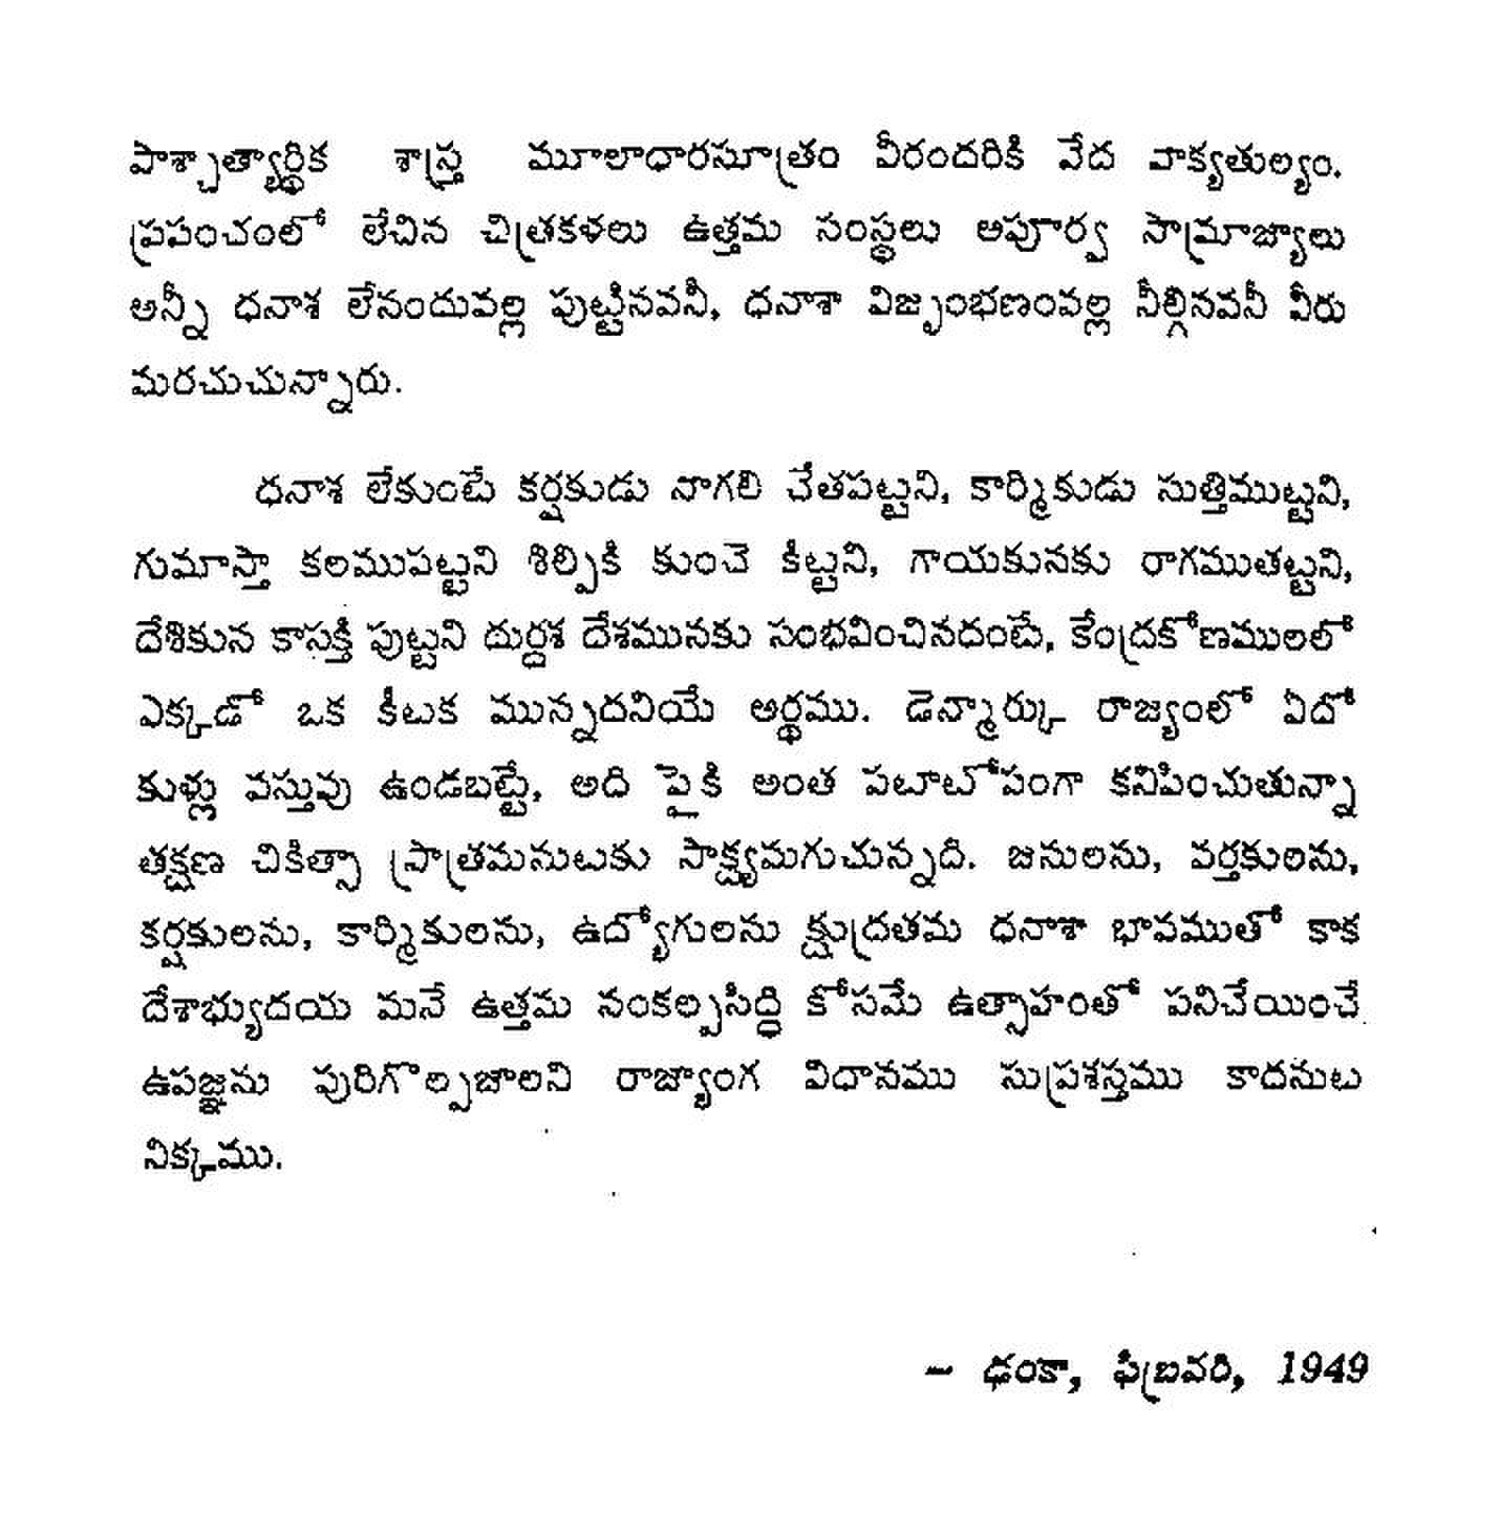పాశ్చాత్యార్థిక శాస్త్ర మూలాధారసూత్రం వీరందరికీ వేద వాక్యతుల్యం. ప్రపంచంలో లేచిన చిత్రకళలు ఉత్తమ సంస్థలు అపూర్వ సామ్రాజ్యాలు అన్నీ ధనాశ లేనందువల్ల పుట్టినవనీ, ధనాశా విజృంభణంవల్ల నీల్గినవనీ వీరు మరచుచున్నారు.

ధనాశ లేకుంటే కర్షకుడు నాగలి చేతపట్టని, కార్మికుడు సుత్తిముట్టని, గుమాస్తా కలముపట్టని శిల్పికి కుంచె కిట్టని, గాయకునకు రాగముతట్టని, దేశికున కాసక్తి పుట్టని దుర్దశ దేశమునకు సంభవించినదంటే, కేంద్రకోణములలో ఎక్కడో ఒక కీటక మున్నదనియే అర్థము. డెన్మార్కు రాజ్యంలో ఏదో కుళ్లు వస్తువు ఉండబట్టే, అది పైకి అంత పటాటోపంగా కనిపించుతున్నా తక్షణ చికిత్సా ప్రాత్రమమనుటకు సాక్ష్యమగుచున్నది. జనులను, వర్తకులను, కర్షకులను, కార్మికులను, ఉద్యోగులను క్షుద్రతమ ధనాశా భావముతో కాక దేశాభ్యుదయ మనే ఉత్తమ సంకల్పసిద్ధి కోసమే ఉత్సాహంతో పనిచేయించే ఉపజ్ఞను పురిగొల్పజాలని రాజ్యాంగ విధానము సుప్రశస్తము కాదనుట నిక్కము.